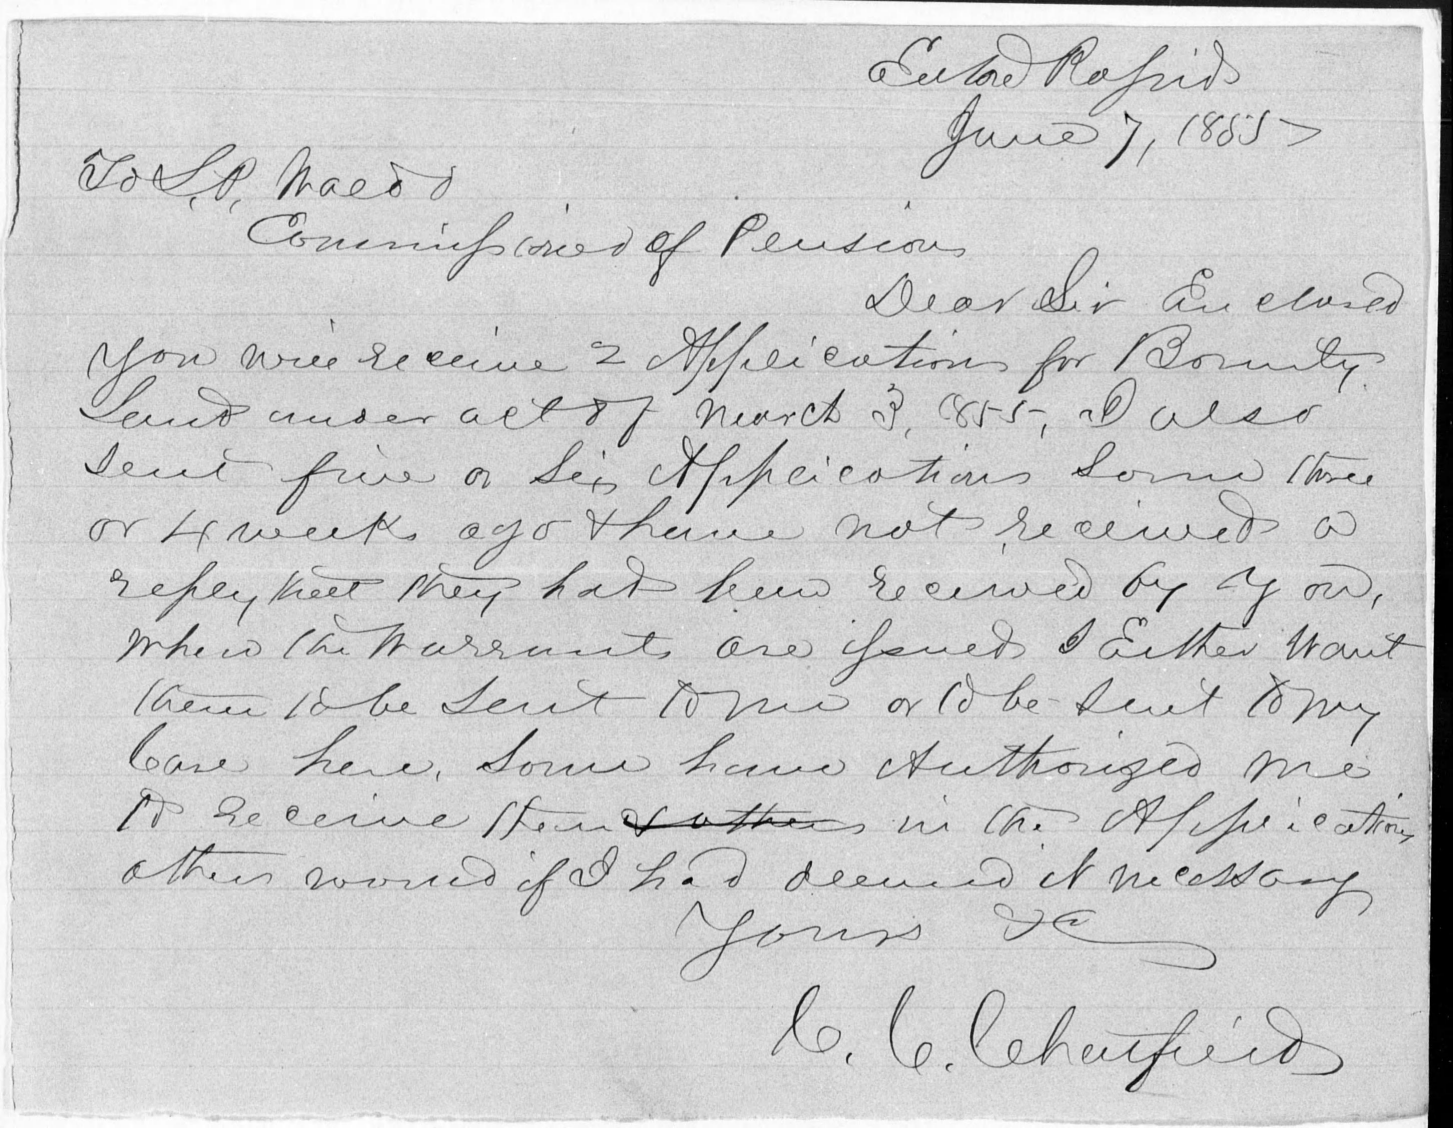Eaton Rapids
June 7, 1885
To S.P. Waldo
Commissioner of Pensions
Dear Sir   Enclosed
you will receive 2 Applications for Bounty 
Land under act of March 3, 1855, I also
sent five or six Applications some three
or 4 weeks ago & have not received a
reply but they had been received by you,
when the Warrants are issued.  I either want
them to be sent to me or to be sent to my
base here.  Some have Authorized me
to receive them & in the Application
others would if I had deemed it necessary.
Yours
C.C. Chatfield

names: C C Chatfield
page: 6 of 9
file: B.L.Reg 168819-1855, Jacob Annis, [BLANK]